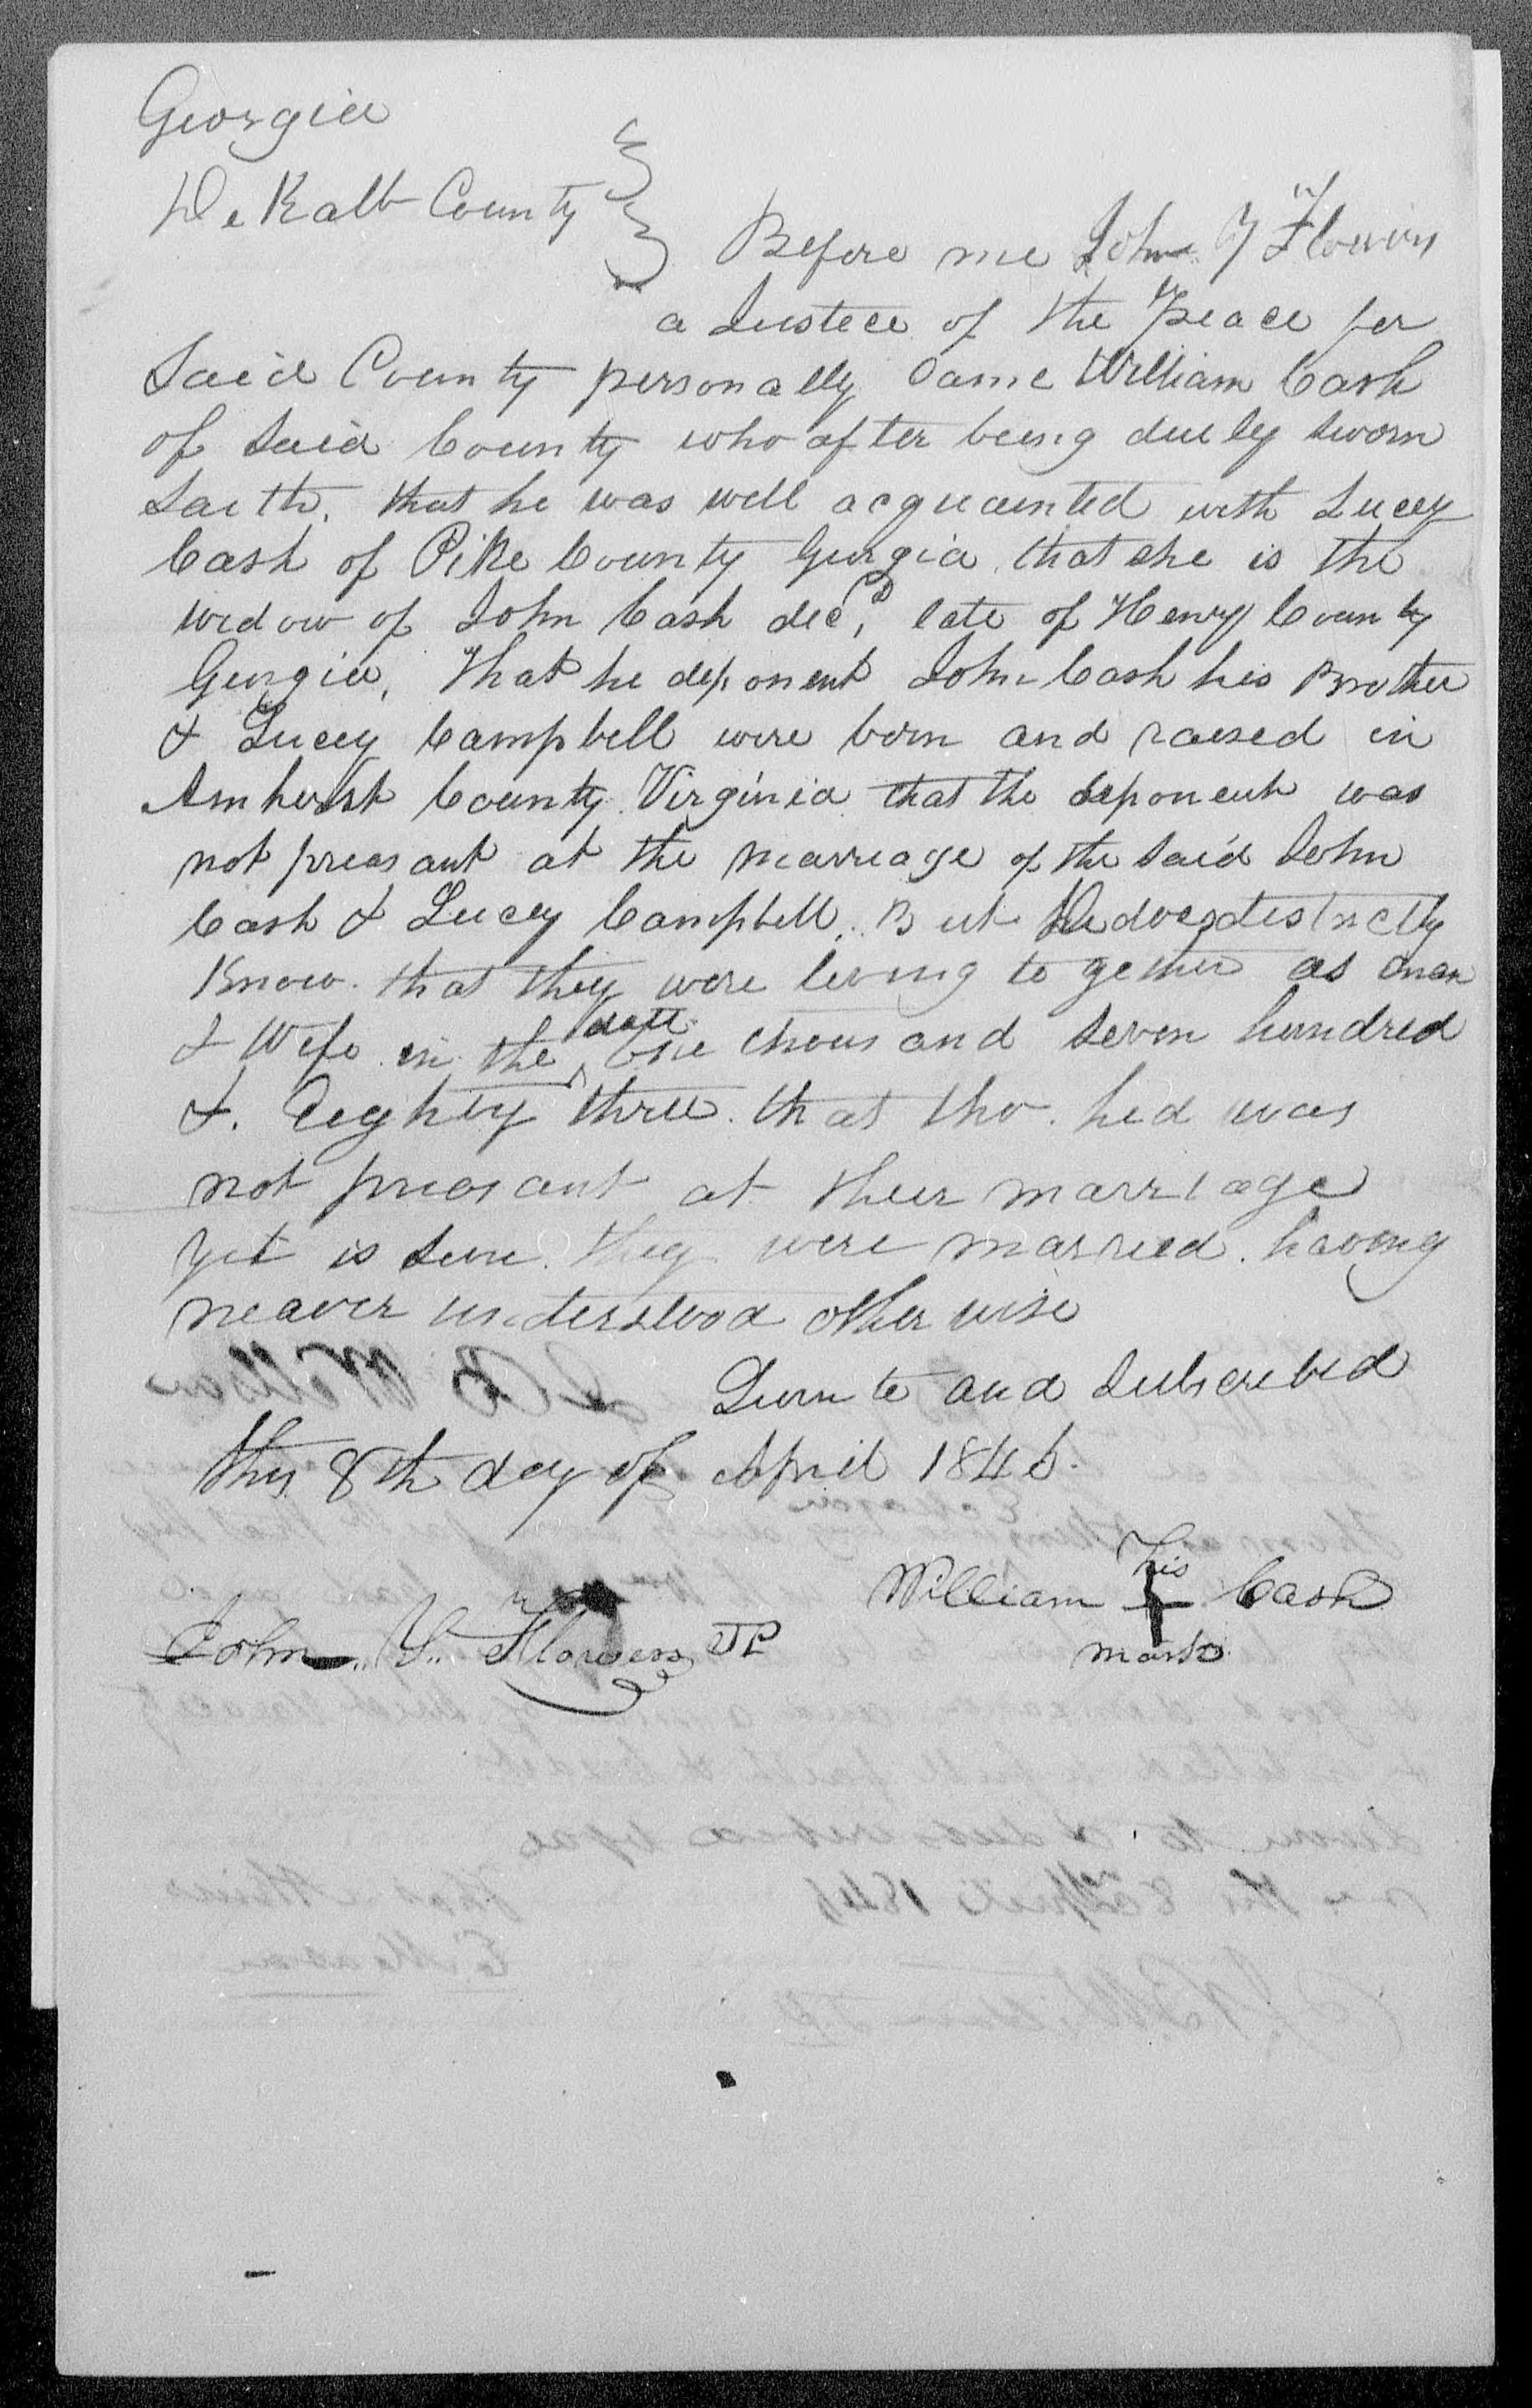Georgia
DeKalb County
Before me, John J Flowers a Justice of the peace for said County, personally came, William Cash, of said County who after being duly sworn saith, that he was well acquainted with Lucey Cash of Pike County Georgia that she is the widow of John Cash decd late of Henry County
Georgia. That the deponent John Cash his brother & Lucey Campbell were born and raised in Amherst County Virginia, that the deponent was not present at the marriage of the said John Cash & Lucy Campbell, but does distinctly know that they were living together as man and 
wife in the date thousand seven hundred
& Eighty-three, that he was not present at their marriage yet is sure they were married having never understood otherwise.
Sworn to and subscribed
this 8th day of April 1845
           William(x)Cash
                     his mark

John V. Flowers, JP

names: William Cash, John Cash, John G Flowers, Lucy Campbell, Lucy Campbell, John Cash, John G Flowers, William Cash, Lucy Cash, John Cash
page: 70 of 73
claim: widow's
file: W. 5,894, John Cash, Va.